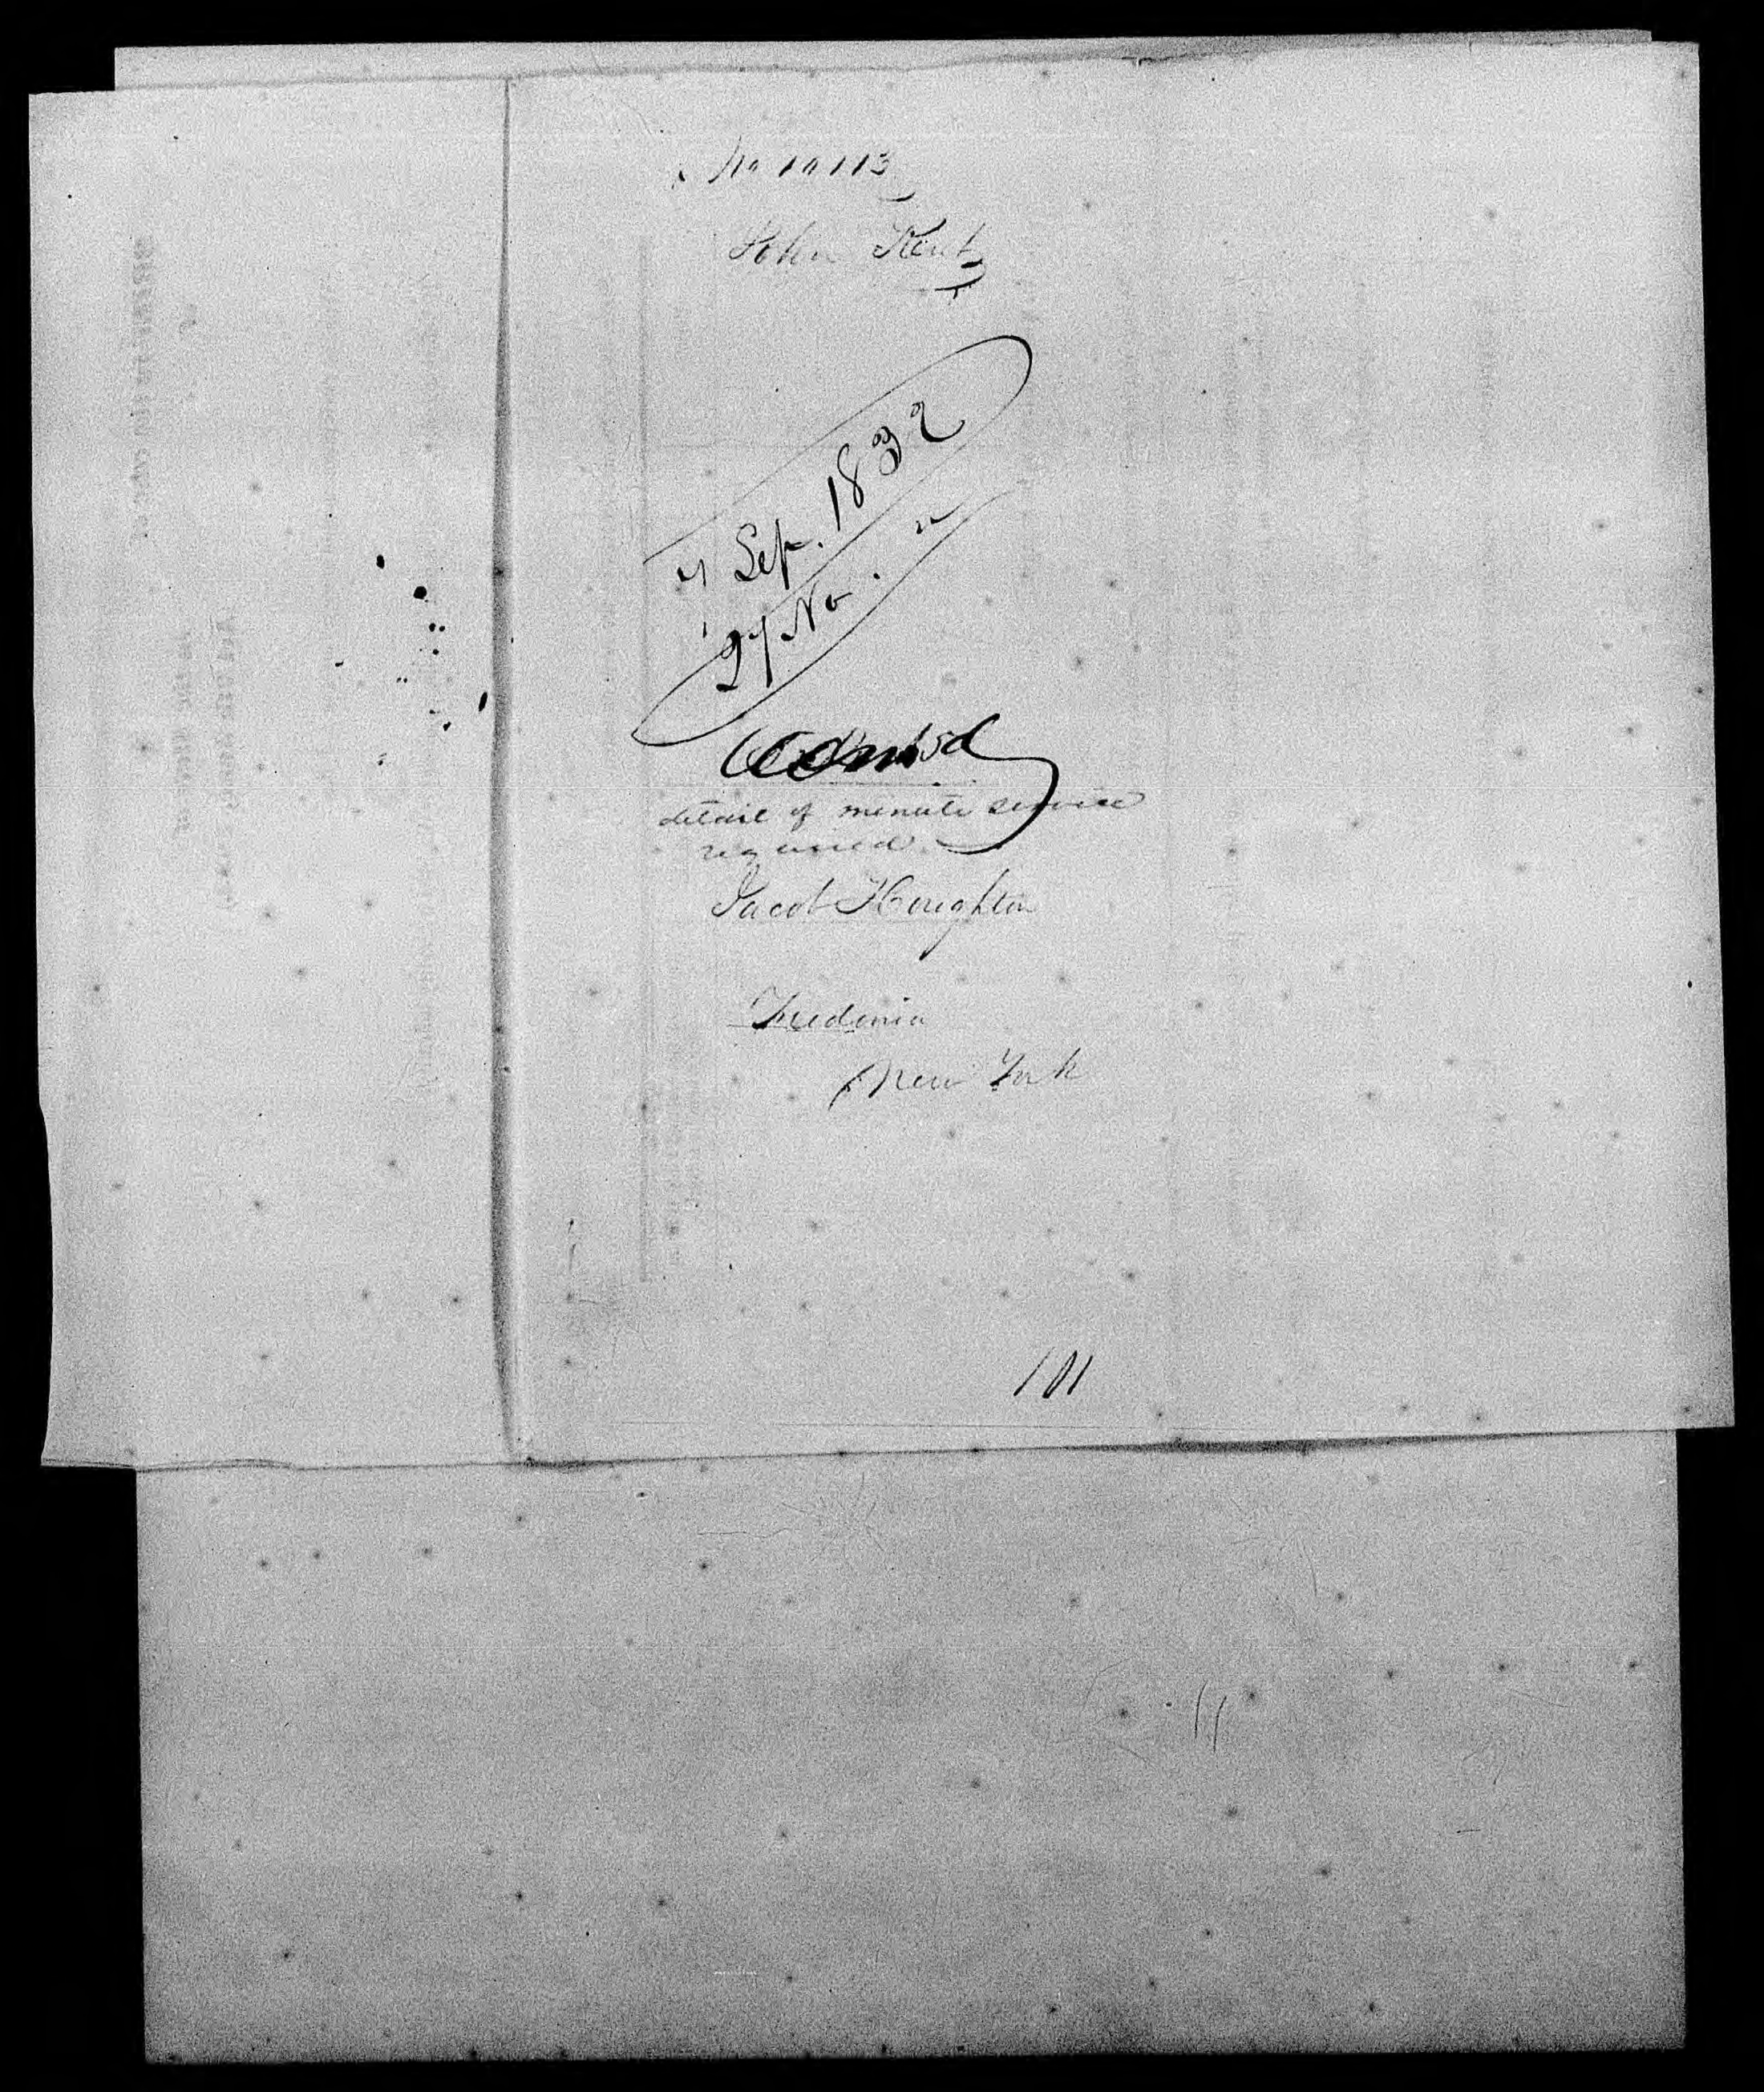7 Sep  1832
27 No.

[illegible]
detail of minute service required
Jacob Houghton

Fredonia, New York 


101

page: 4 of 50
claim: widow's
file: W. 4253, for John Kent, Vermont